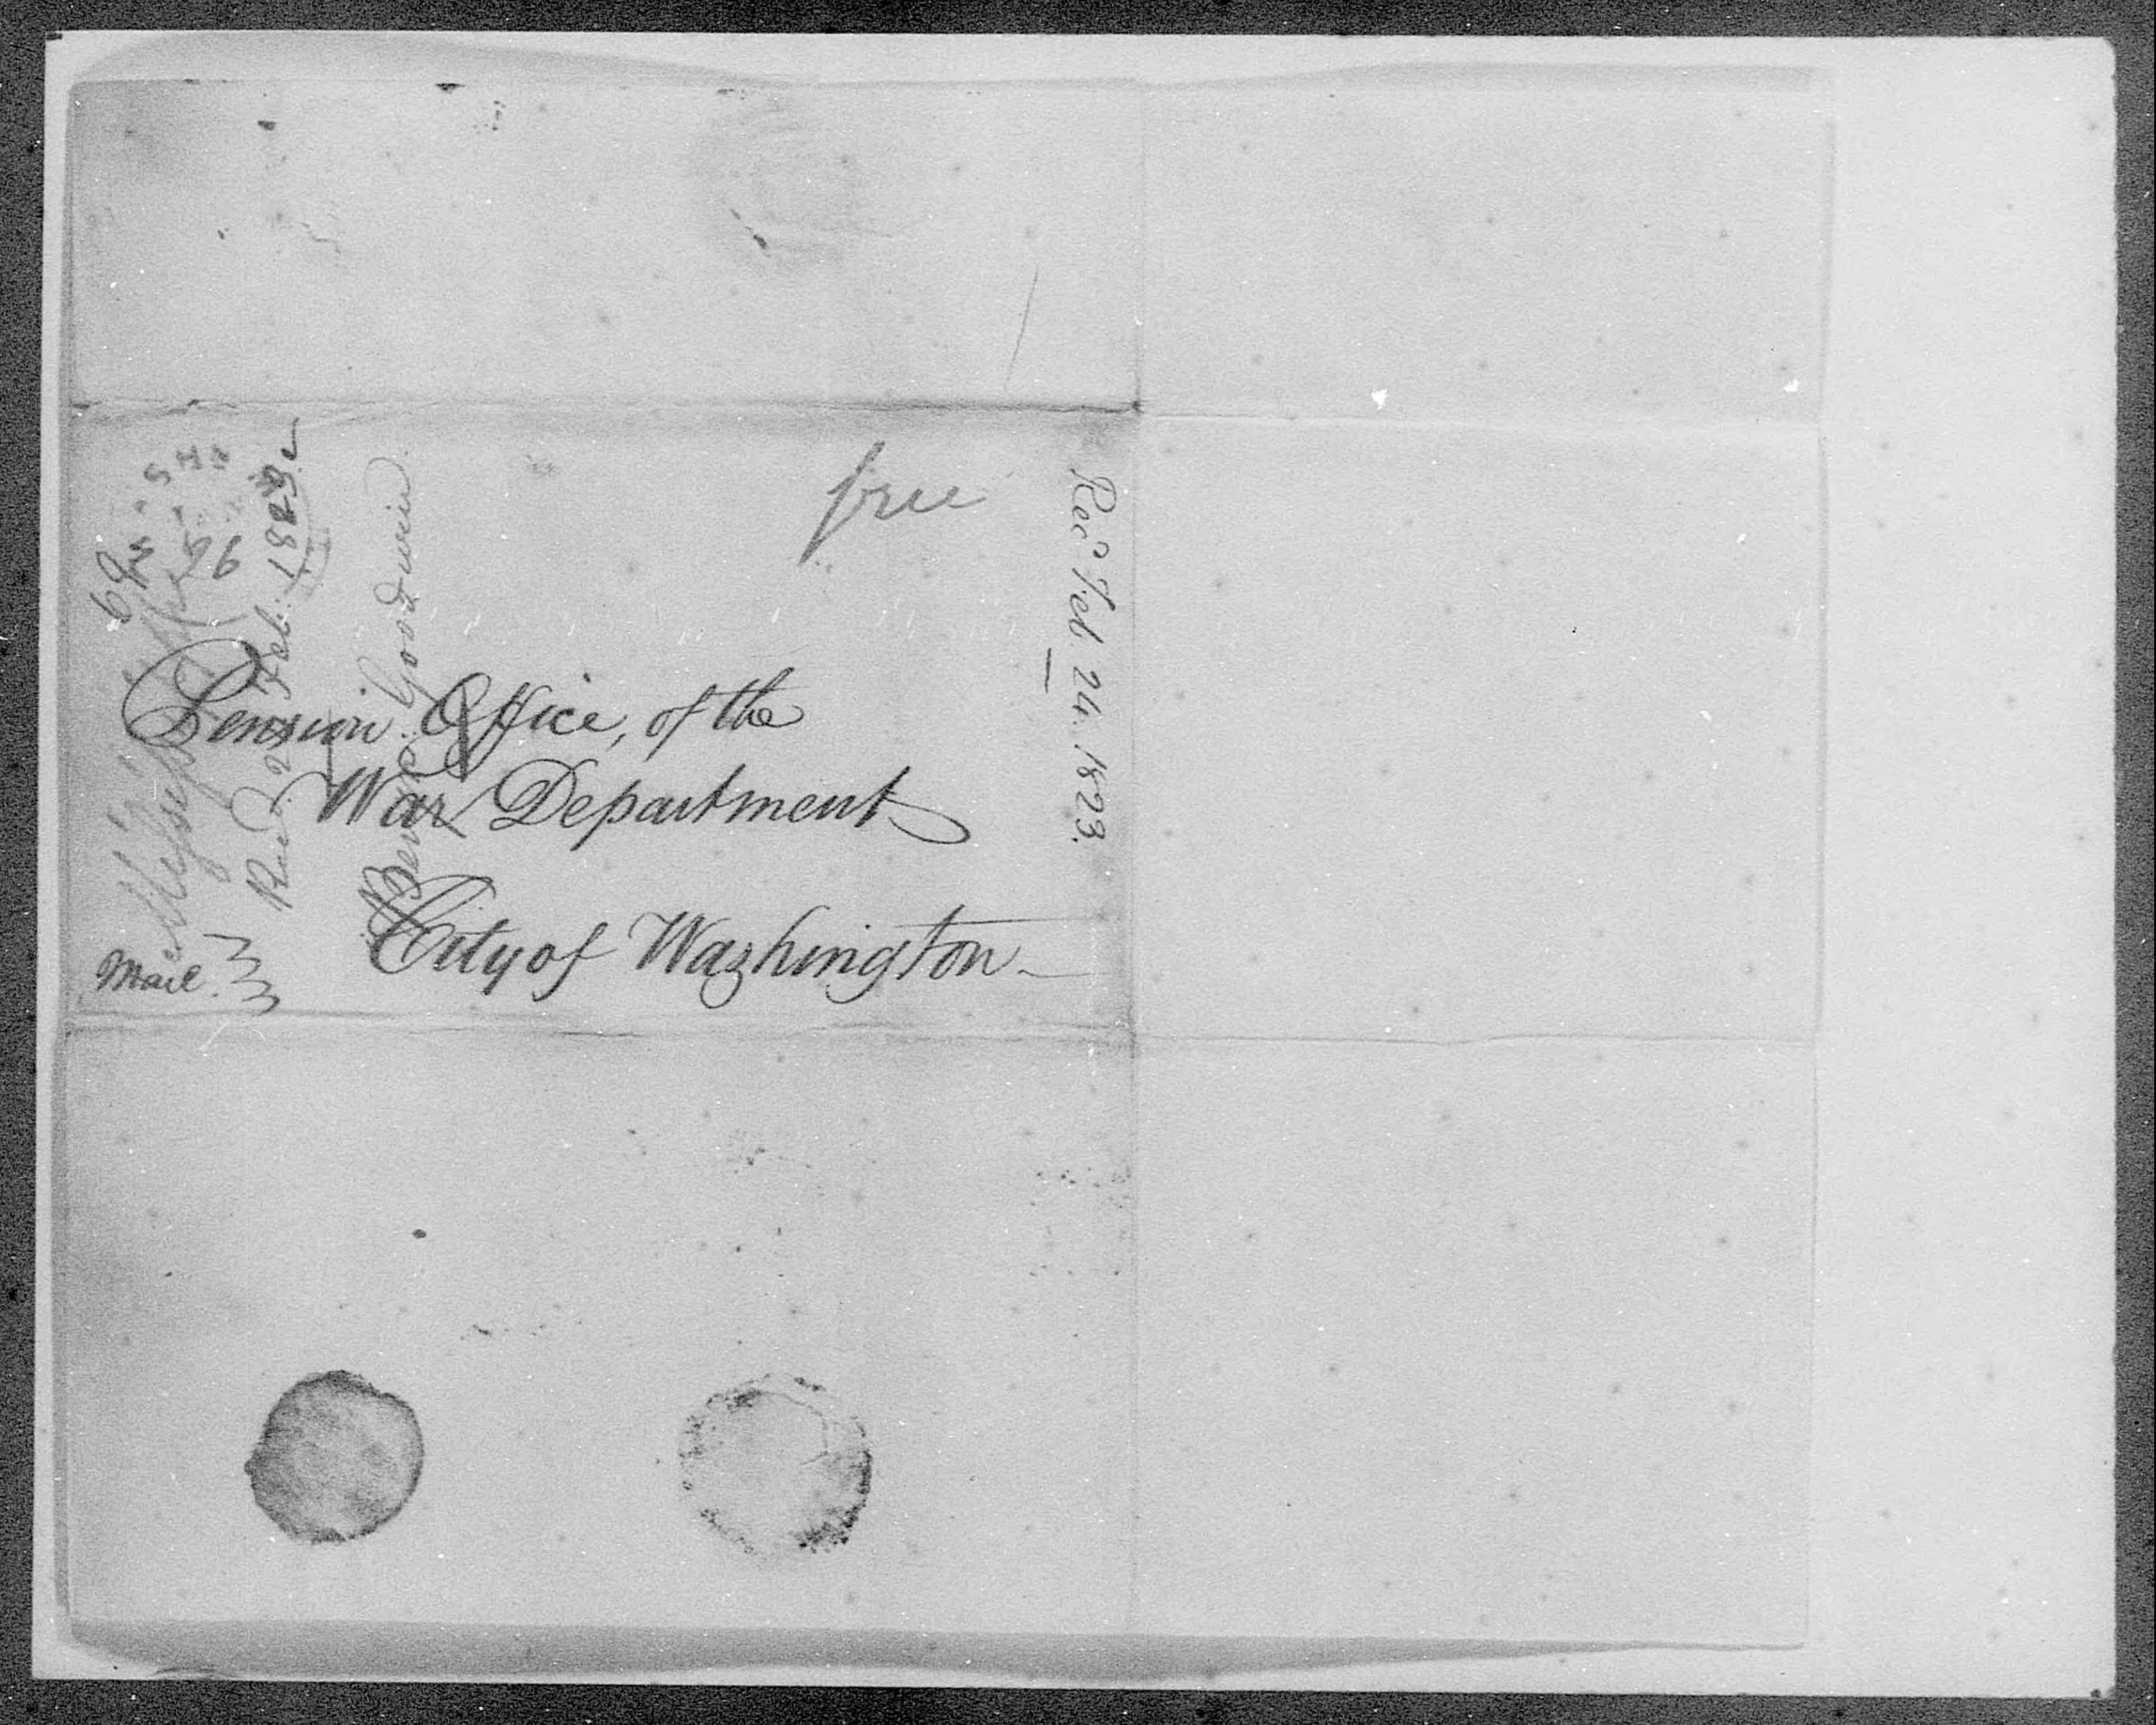(stamp) WASH[illegible]
free
26
69
Pension Office, of the War Department
City of Washington
Recd. Feb. 24. 1823.
Mail.
Mississippi
Recd. 28 Feb. 1823
Benjamin Goodwin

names: Benja Goodwin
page: 13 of 24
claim: survivor's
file: S. 34903, Benjamin Goodwin, Va.